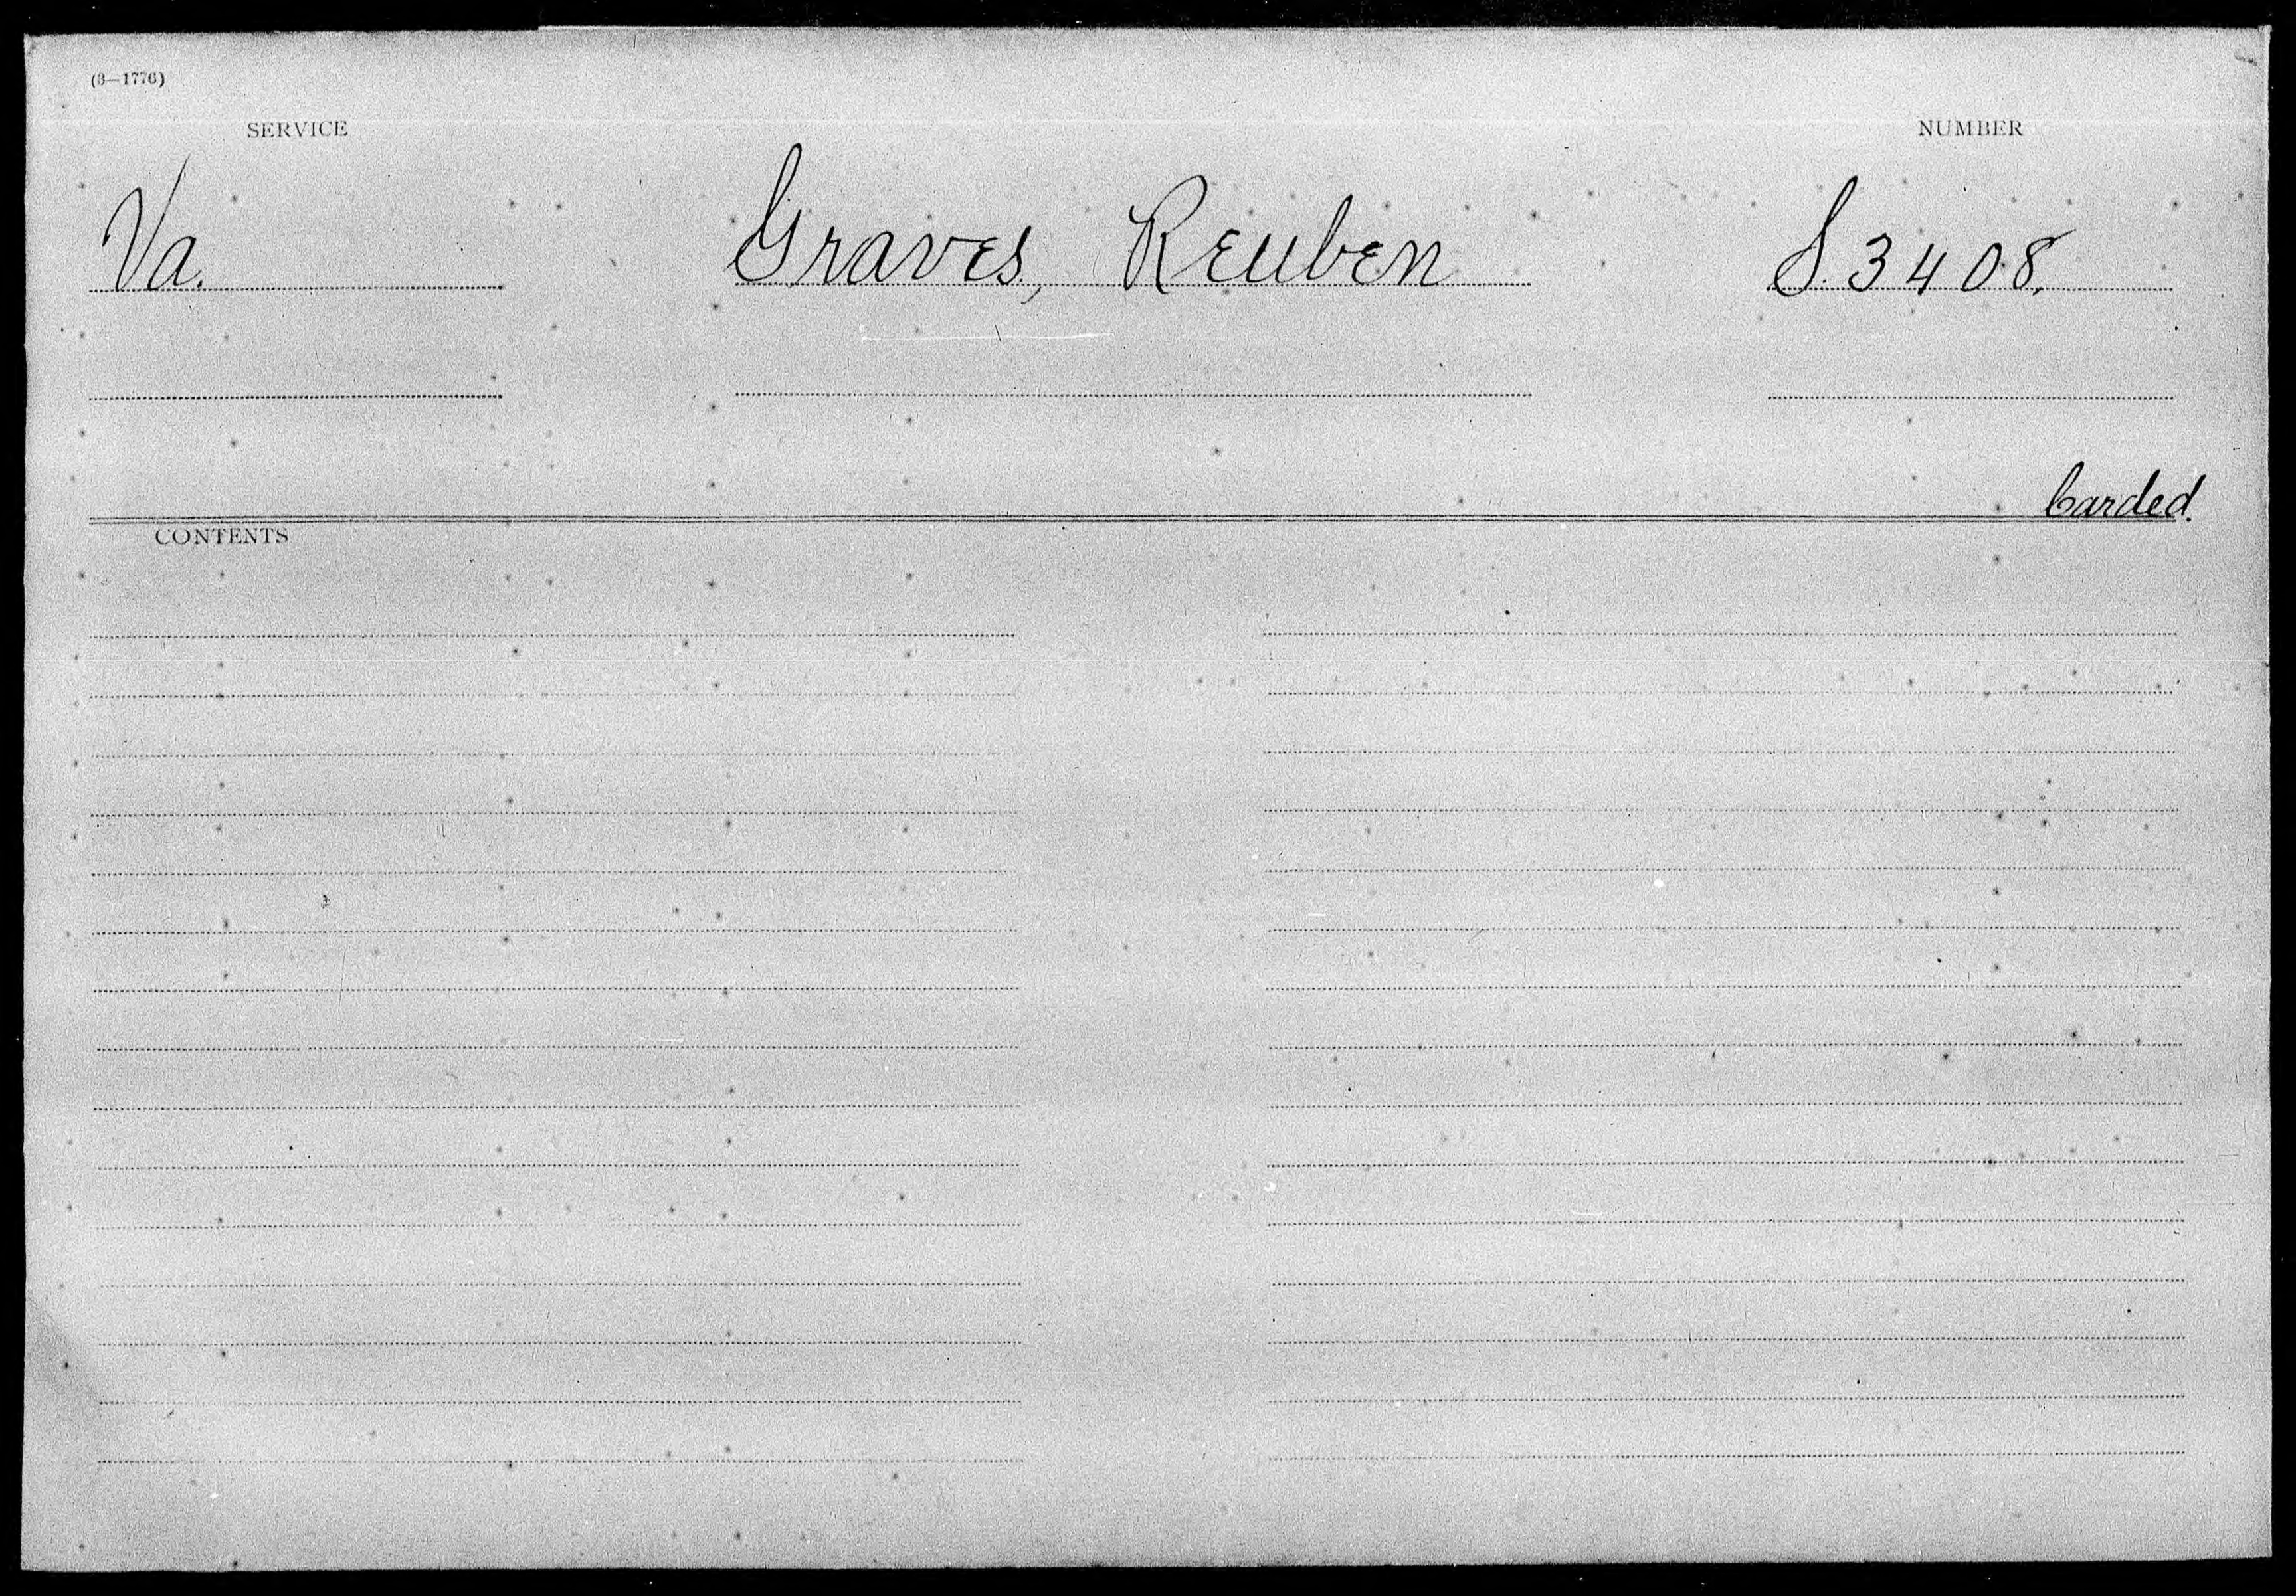VA.


Graves, Reuben

S. 3408


Carded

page: 1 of 22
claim: survivor's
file: S. 3408, Reuben Graves, Va.